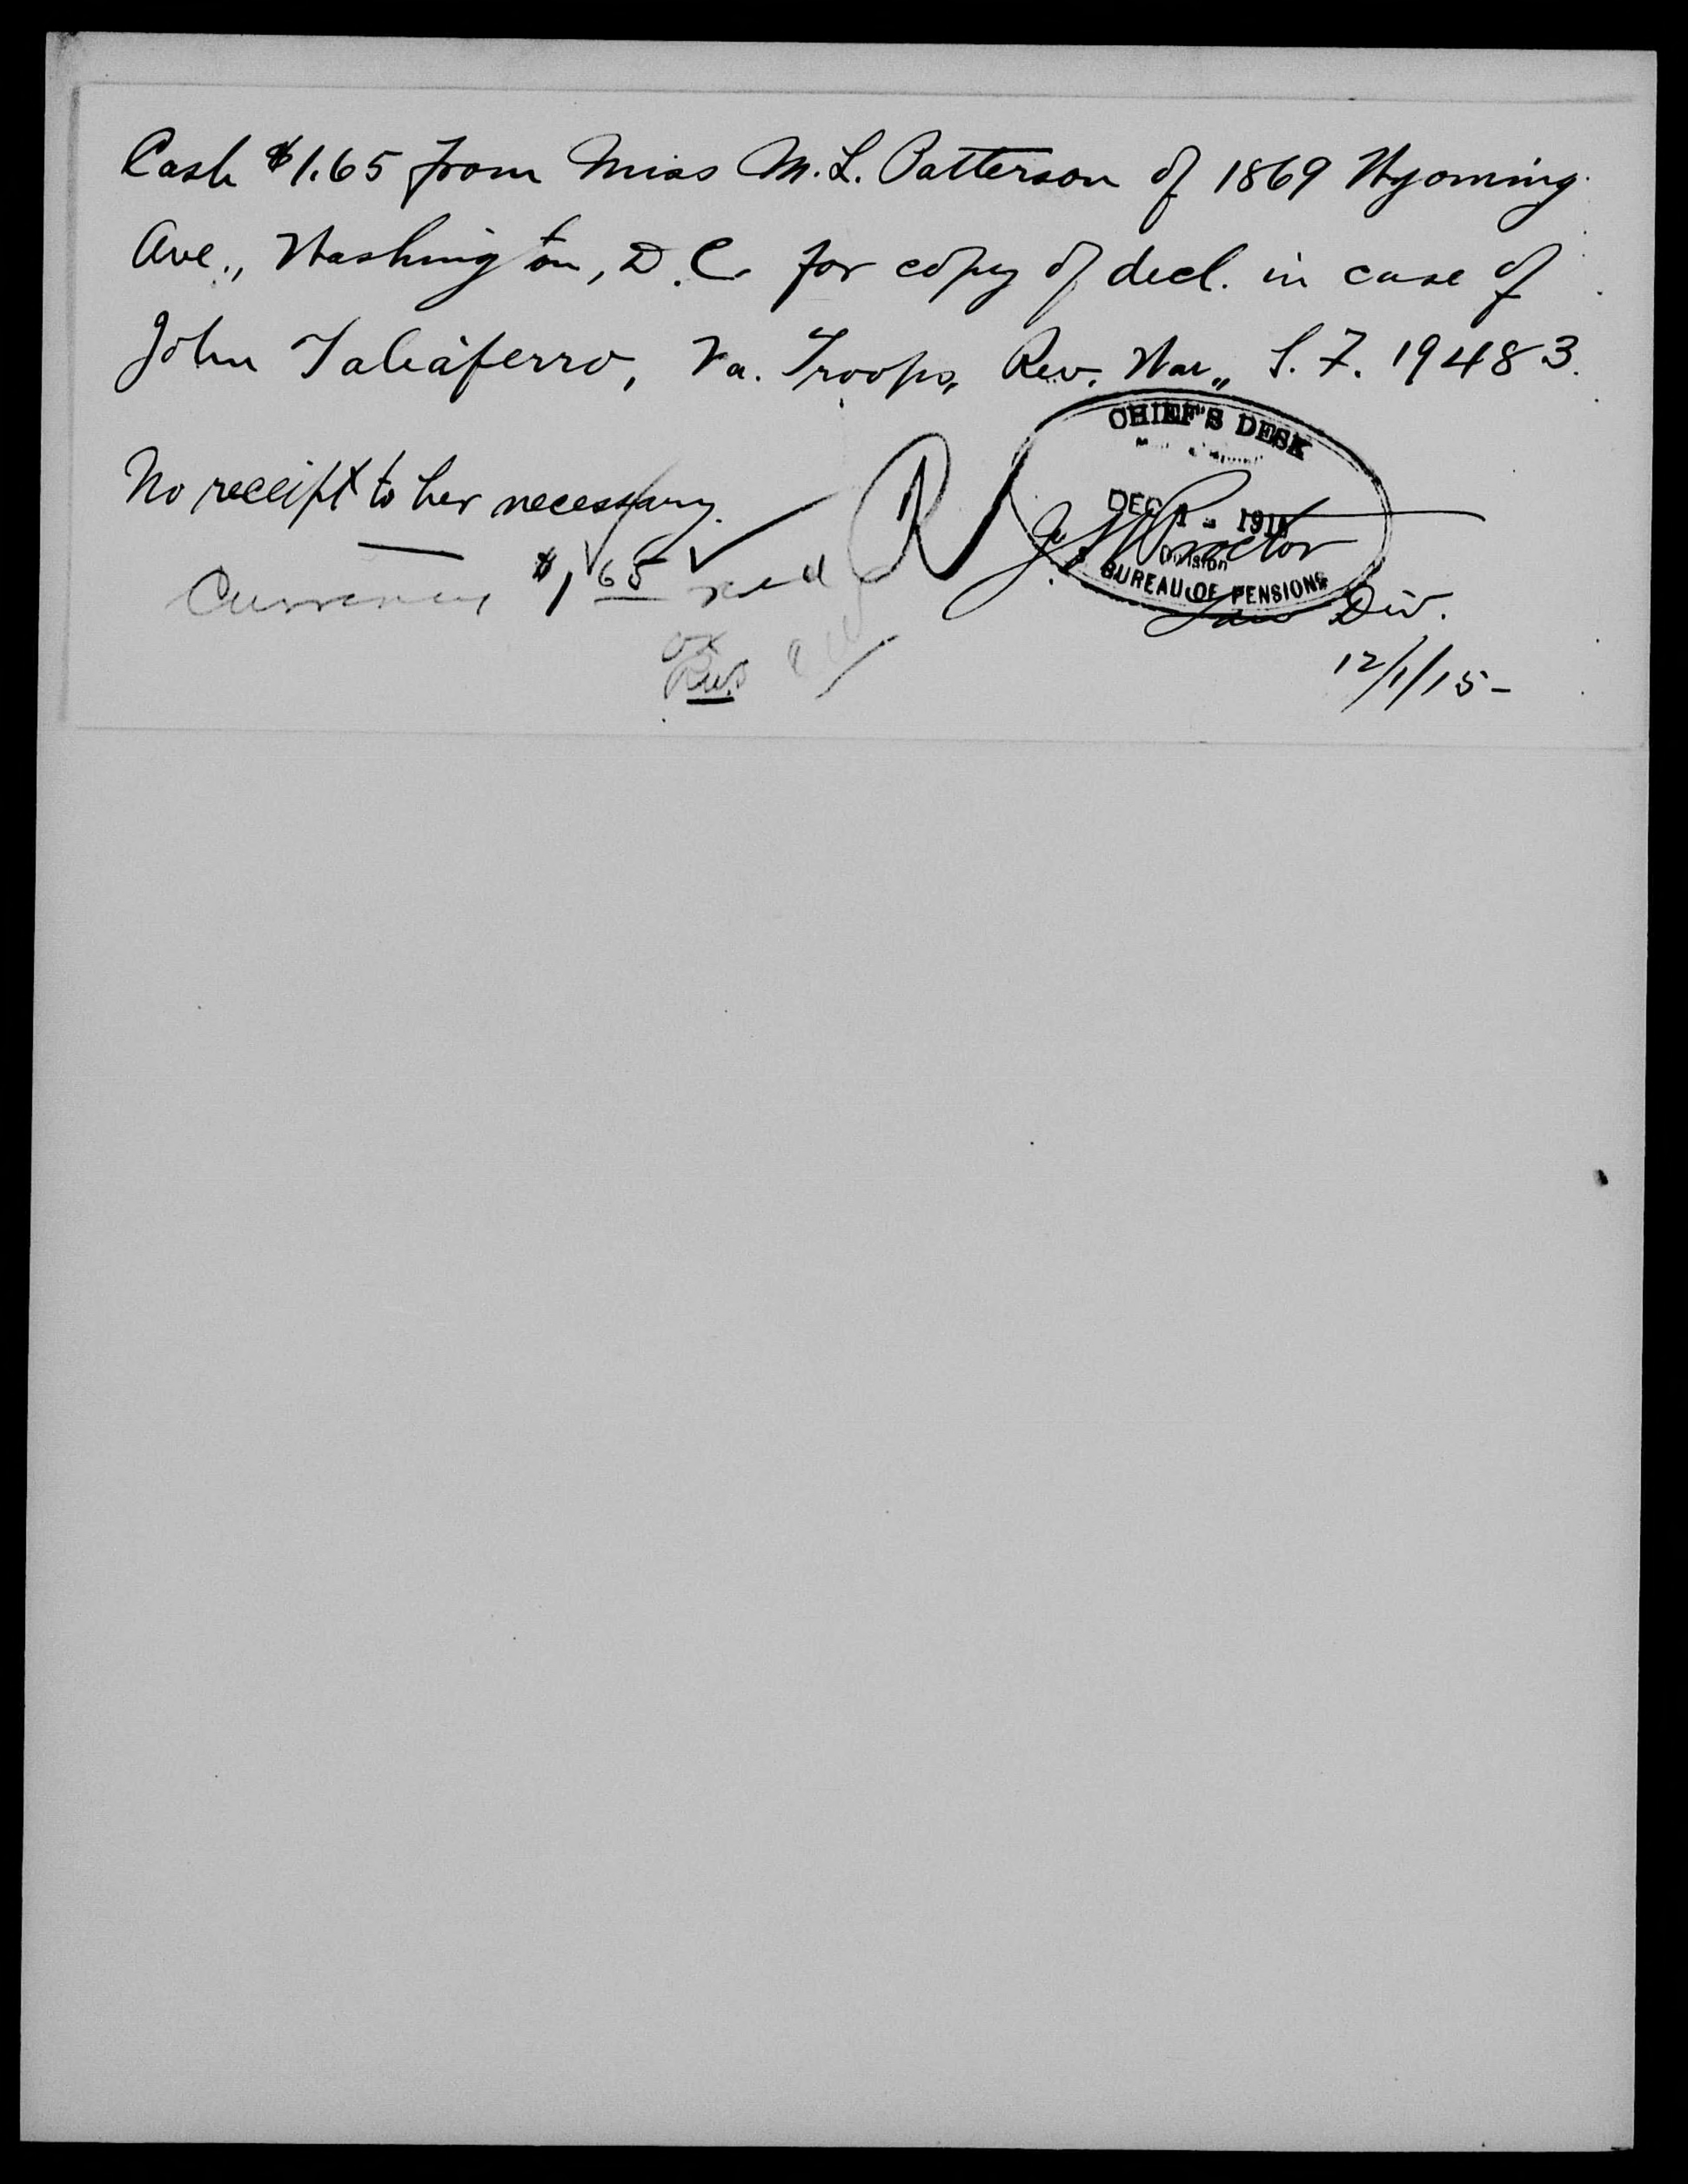Cash $1.65 from Miss M. L. Patterson of 1869 Wyoming Ave, Washington, D.C. for copy of decl. in case of John Taliaferro, Va Troops, Rev War, S.F. 19483
No receipt to her necessary. 
J. W. Proctor
Law Div. 12/1/15
Currency $1.65 rcd
OK RWB
[oval stamp]
CHIEF'S DESK
Dec 1 1915
Bureau of Pensions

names: J W Proctor; M L Patterson; John Taliaferro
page: 30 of 34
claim: survivor's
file: S. 19483, for John Taliaferro, Virginia